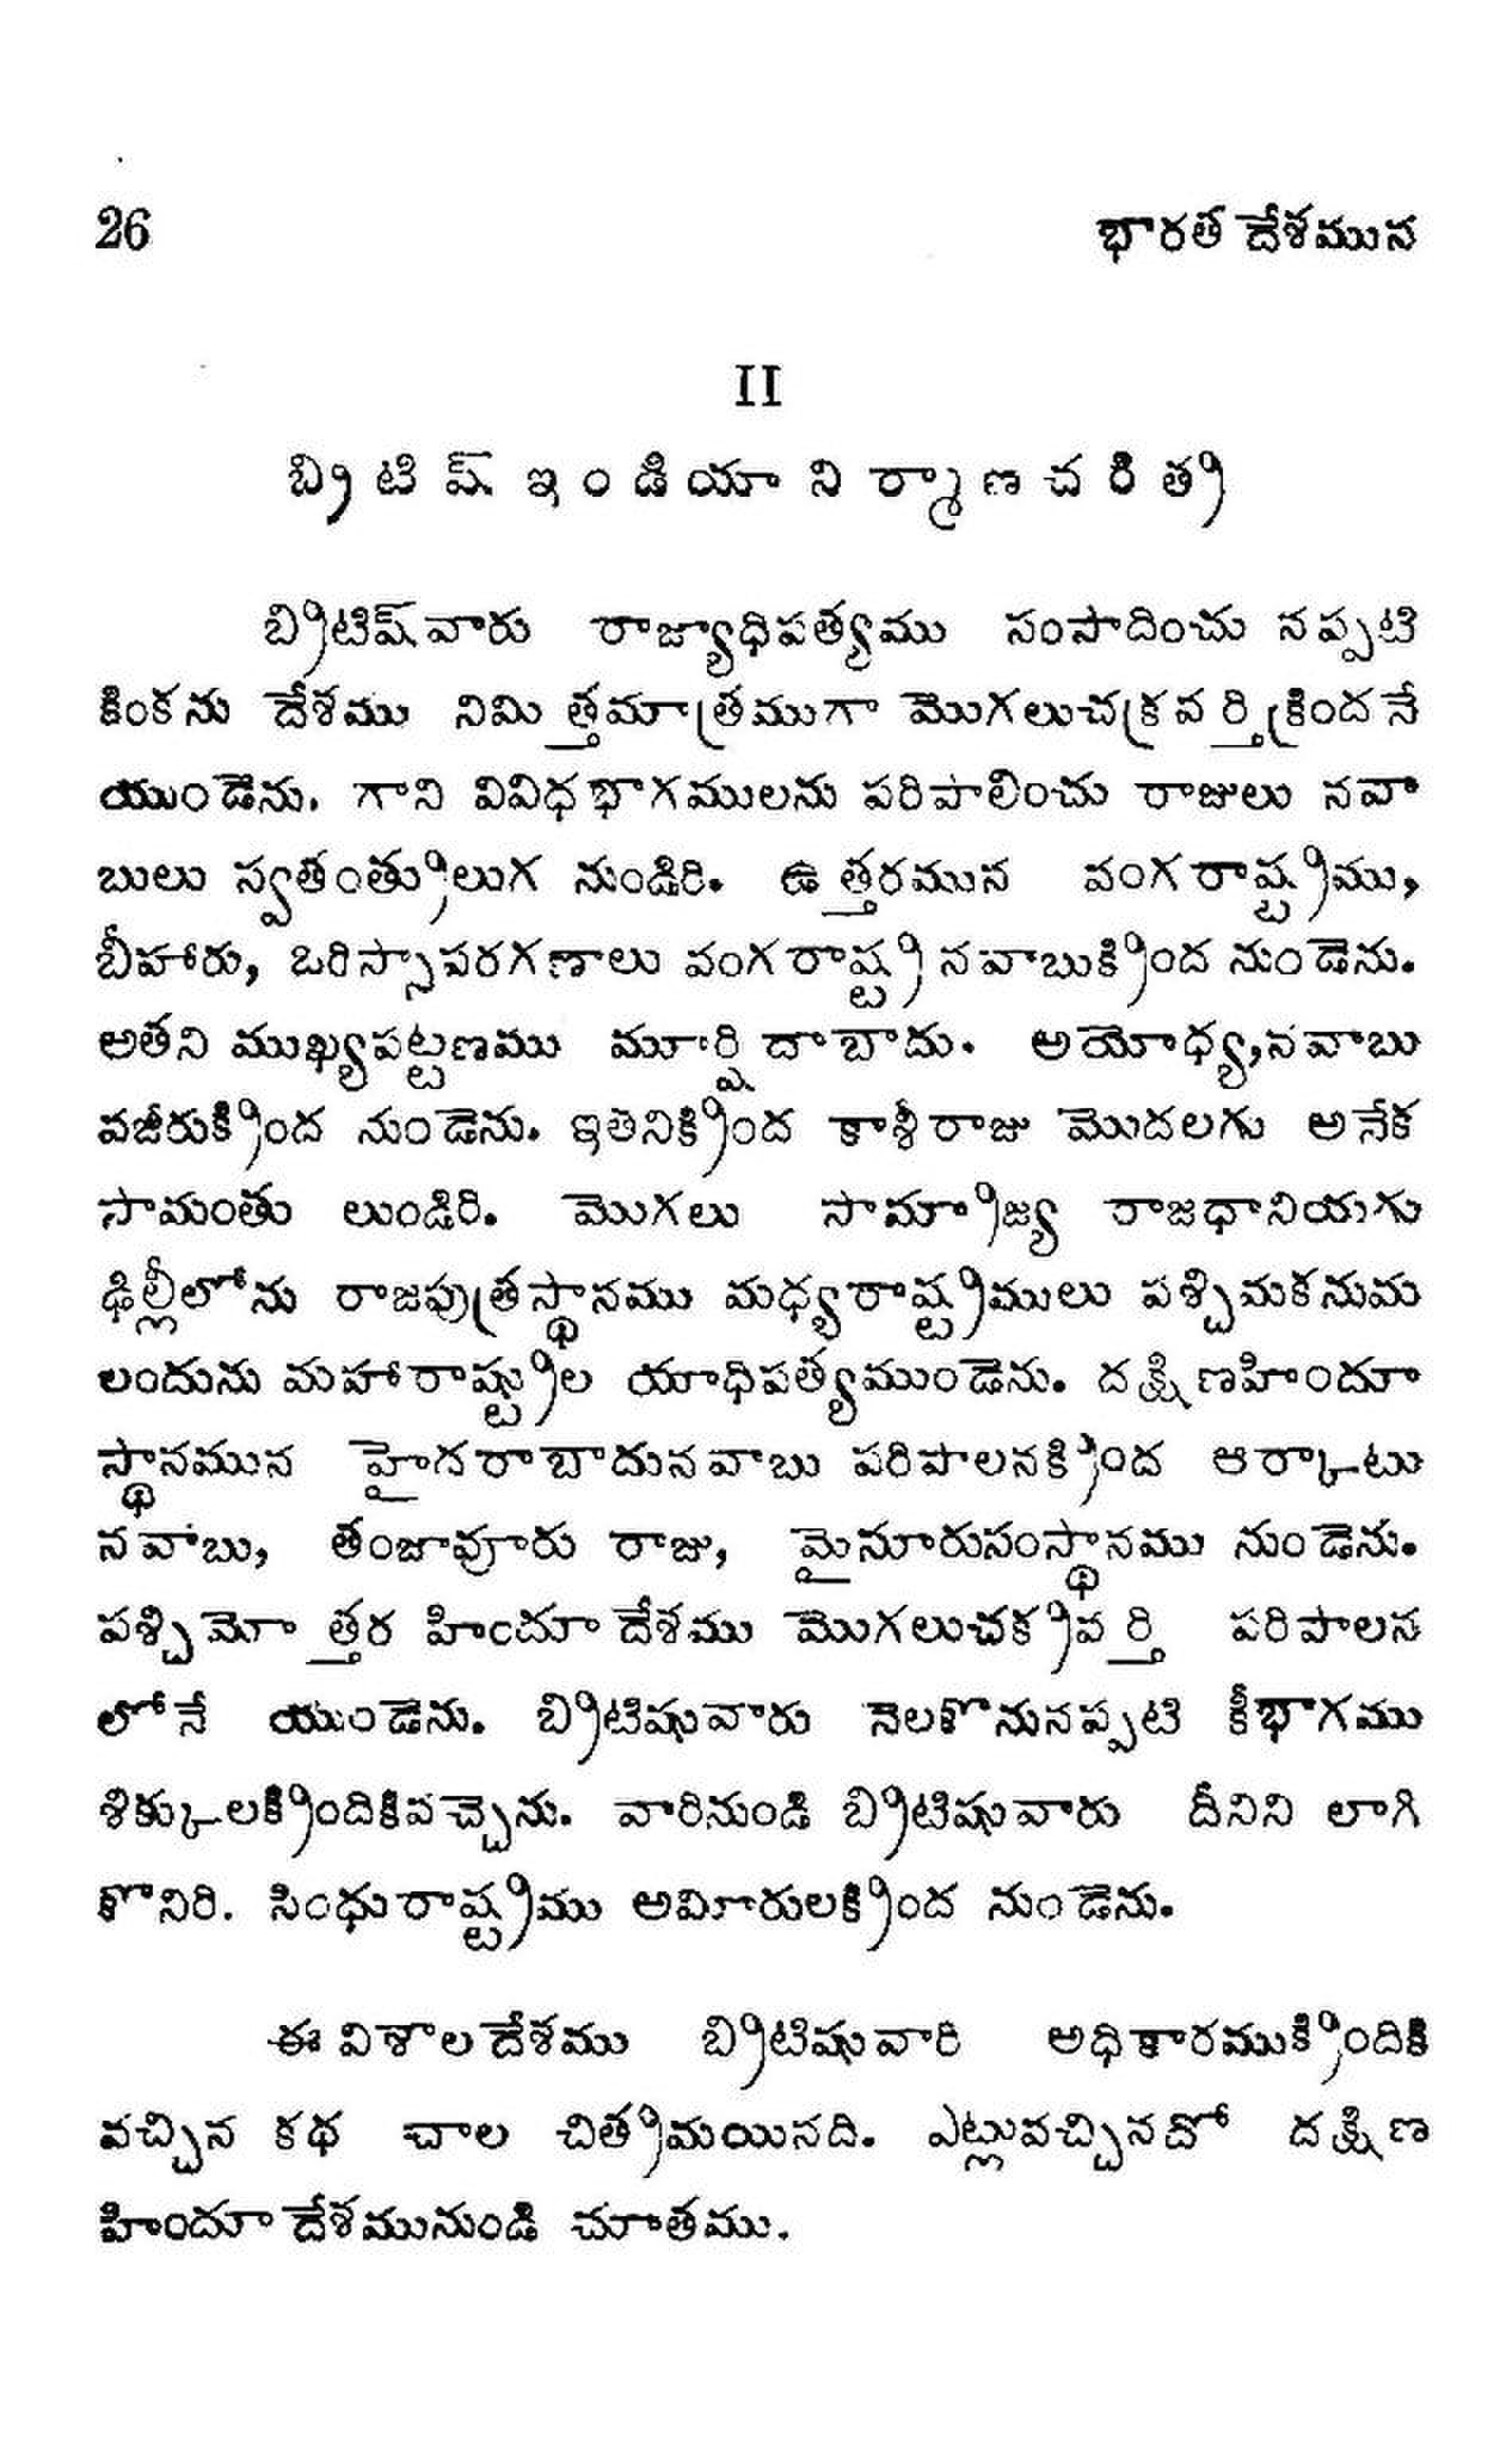II
బ్రిటిష్ ఇండియా నిర్మాణచరిత్ర

బ్రిటిష్‌వారు రాజ్యాధిపత్యము సంసాదించు నప్పటి కింకను దేశము నిమిత్తమాత్రముగా మొగలుచక్రవర్తిక్రిందనే యుండెను. గాని వివిధభాగములను పరిపాలించు రాజులు నవాబులు స్వతంత్రులుగ నుండిరి. ఉత్తరమున వంగరాష్ట్రము, బీహారు, ఒరిస్సాపరగణాలు వంగరాష్ట్ర నవాబుక్రింద నుండెను. అతని ముఖ్యపట్టణము మూర్షిదాబాదు. అయోధ్య, నవాబు వజీరుక్రింద నుండెను. ఇతనిక్రింద కాశీరాజు మొదలగు అనేక సామంతు లుండిరి. మొగలు సామ్రాజ్య రాజధానియగు ఢిల్లీలోను రాజపుత్రస్థానము మధ్యరాష్ట్రములు పశ్చిమకనుమలందును మహారాష్ట్రుల యాధిపత్యముండెను. దక్షిణహిందూస్థానమున హైదరాబాదునవాబు పరిపాలనక్రింద ఆర్కాటు నవాబు, తంజావూరు రాజు, మైసూరుసంస్థానము నుండెను. పశ్చిమోత్తర హిందూదేశము మొగలుచక్రవర్తి పరిపాలనలోనే యుండెను. బ్రిటిషువారు నెలకొనునప్పటి కీభాగము శిక్కులక్రిందికి వచ్చెను. వారినుండి బ్రిటిషువారు దీనిని లాగికొనిరి. సింధురాష్ట్రము అమీరులక్రింద నుండెను.

ఈ విశాలదేశము బ్రిటిషువారి అధికారముక్రిందికి వచ్చిన కథ చాల చిత్రమయినది. ఎట్లువచ్చినదో దక్షిణ హిందూదేశమునుండి చూతము.